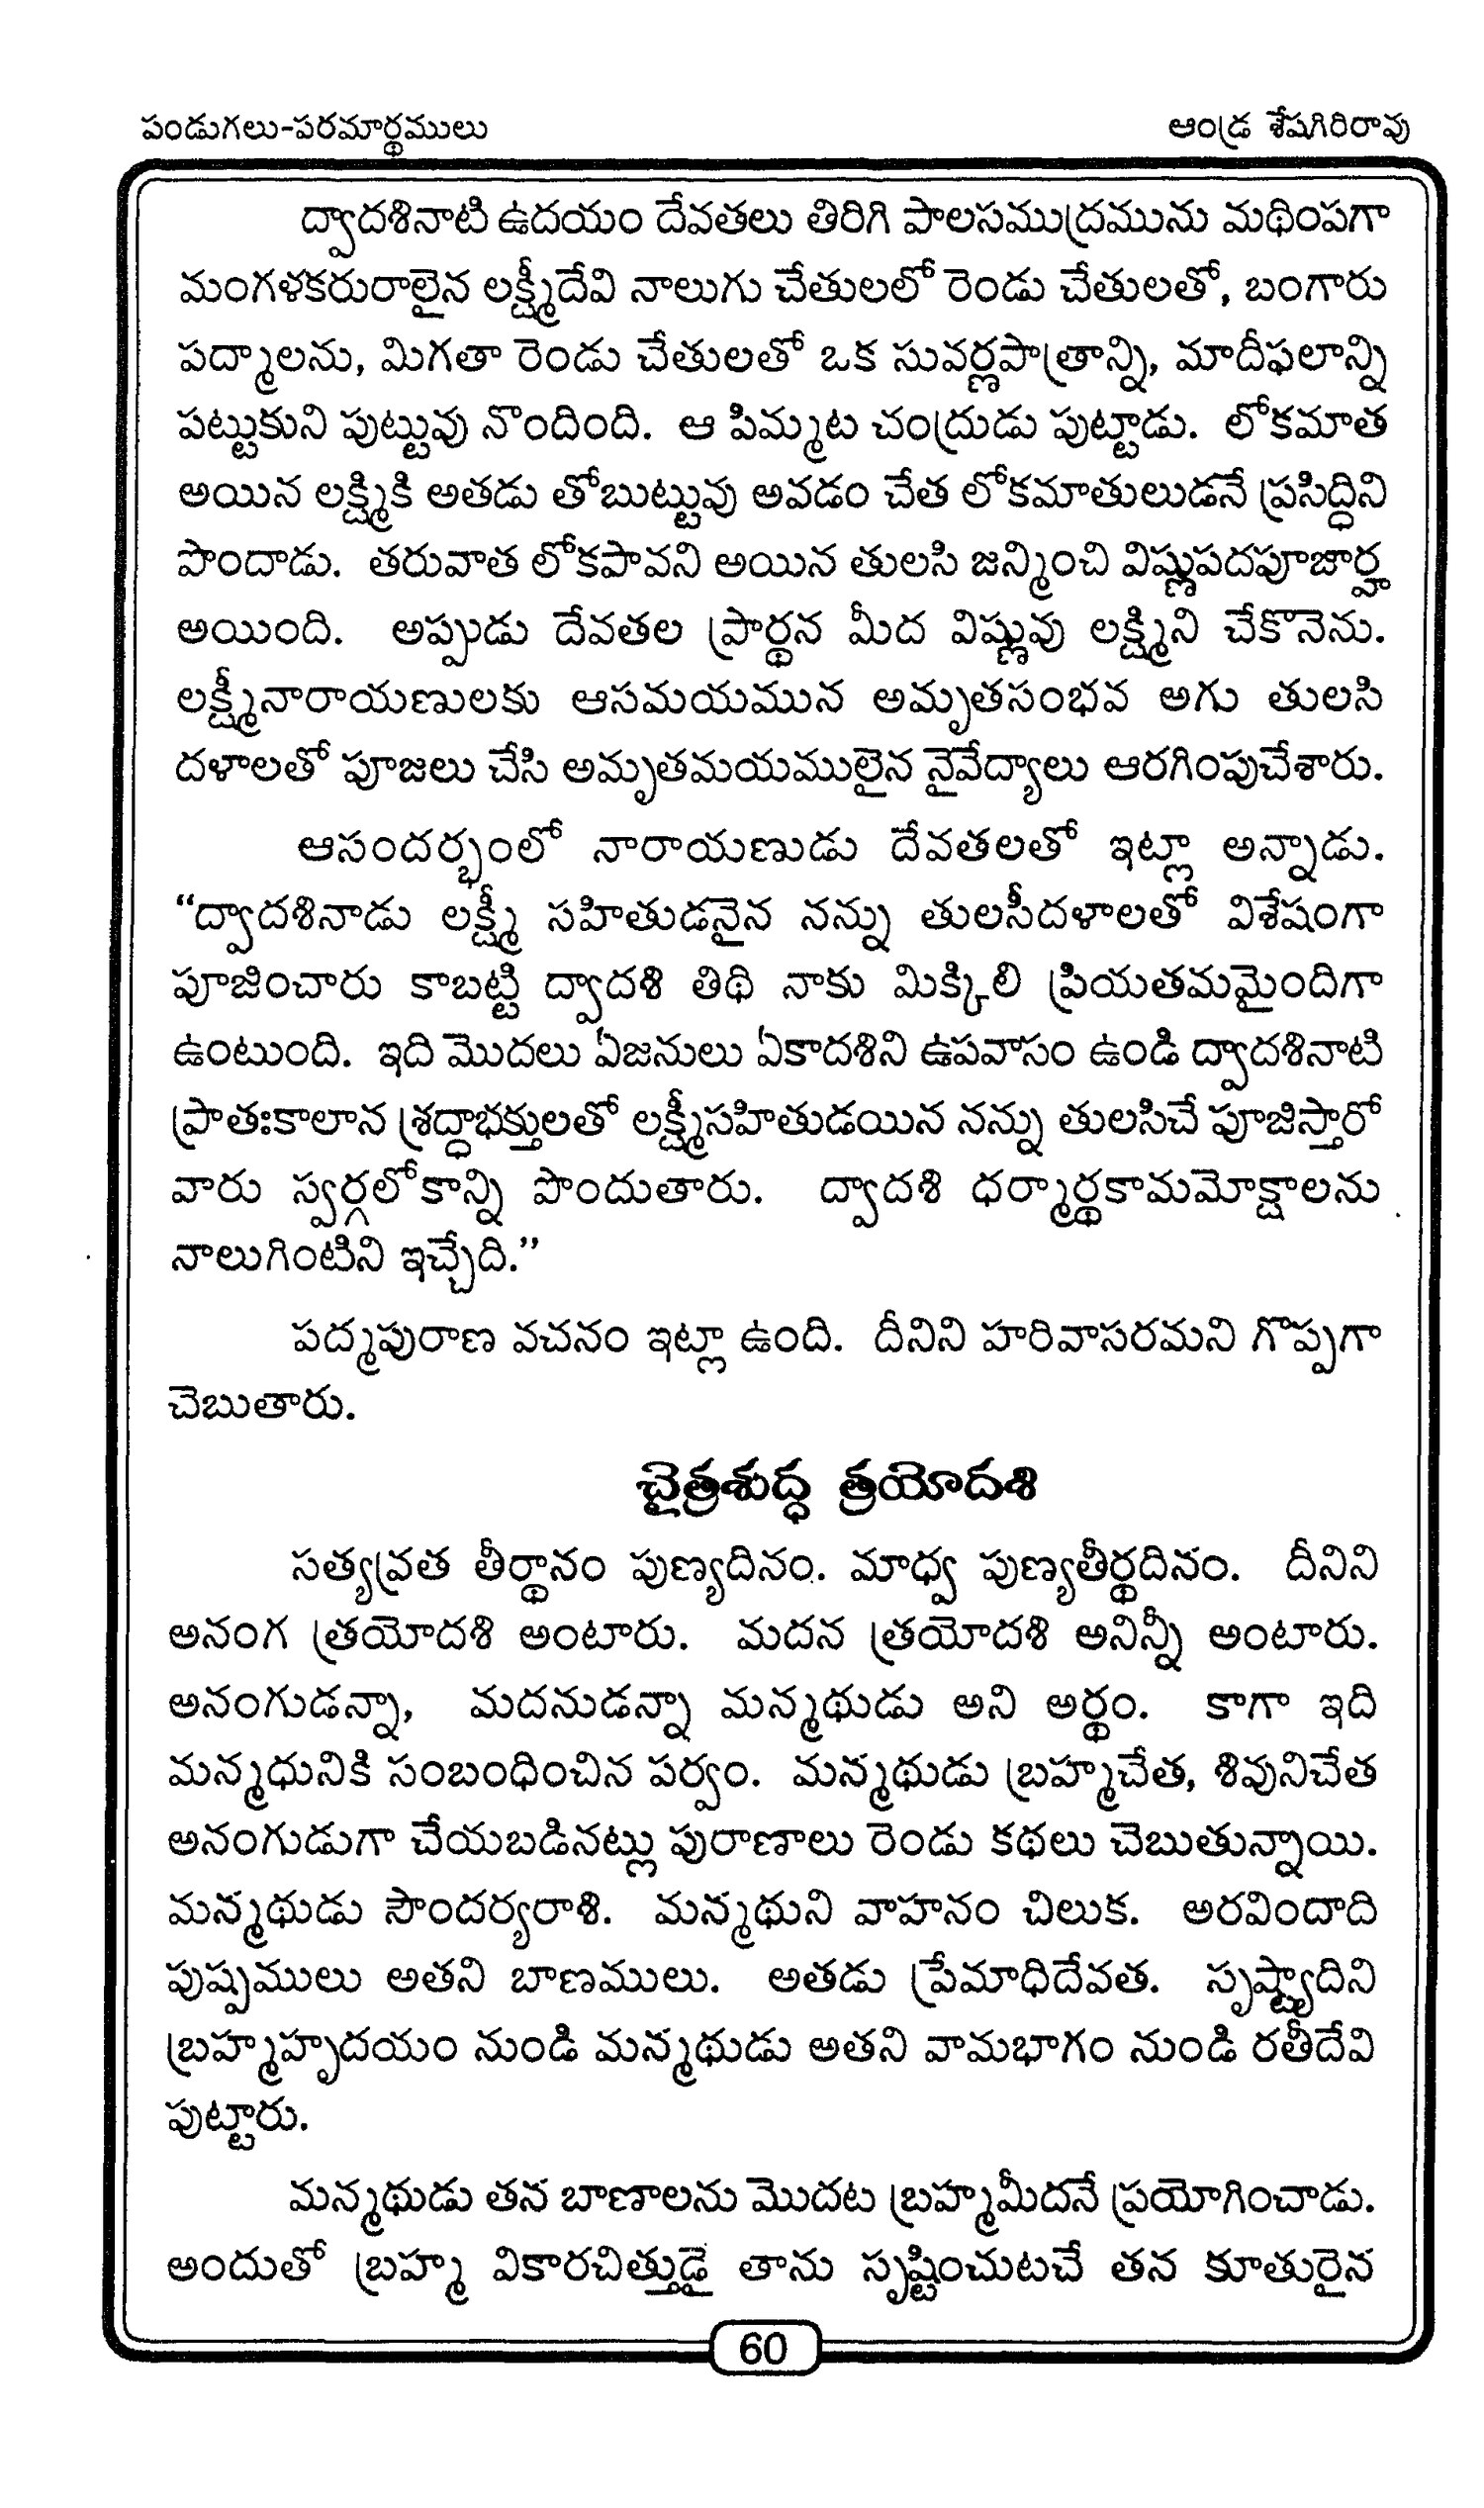ద్వాదశినాటి ఉదయం దేవతలు తిరిగి పాలసముద్రమును మధింపగా మంగళకరురాలైన లక్ష్మీదేవి నాలుగు చేతులతో రెండు చేతులతో, బంగారు పద్మాలను, మిగతా రెండు చేతులతో ఒక సువర్ణపాత్రాన్ని, మాదీఫలాన్ని పట్టుకుని పుట్టువు నొందింది. అ పిమ్మట చంద్రుడు పుట్టాడు. లోకమాత అయిన లక్ష్మికి అతడు తోబుట్టువు అవడం చేత లోకమారులుడనే ప్రసిద్ధిని పొందాడు. తరువాత లోకపావని అయిన తులసి జన్మించి విష్ణుపదపూజర్హ అయింది. అప్పుడు దేవతలు ప్రార్ధన మీద విష్ణువు లక్ష్మెని చేకొనెను. లక్ష్మీనారాయణులకు ఆసమయమున అమృతసంభవ అగు తులసి దళాలతో పూజలు చేసి అమృతమయములైన నైవేద్యాలు ఆరగింపుచేశారు.

 ఆసందర్బంలో నారాయణుడు దేవతలతొ ఇట్లా అన్నాడు. "ద్వాదశినాడు లక్ష్మీ సహితుడనైన నన్ను తులసీదళాలతొ విశేషంగా పూజించారు కాబట్టి ద్వాదశి తిధి నాకు మిక్కిలి ప్రియతమమైందిగా ఉంటుంది. ఇది మొదలు ఏజనులు ఏకాదశిని ఉపవాసం ఉండి ద్వాదశినాటి ప్రాత:కాలాన శ్రద్ధాభక్తులతో లక్ష్మీసహితుడయిన నన్ను తులసిచే పూజిస్తారో వారు స్వర్గలోకాన్ని పొందుతారు. ద్వాదశి ధర్మార్ధకామమోక్షాలను నాలుగింటిని ఇచ్చేది.?

 పద్మపురాణ వచనం ఇట్లా ఉంది. దీనిని హరివాసరమని గొప్పగా చెబుతారు.

 చైత్రశుద్ధ త్రయోదశి

 సత్యవ్రత తీర్ధానం పుణ్యదినం. మాధ్వ పుణ్యతీర్ధదినం. దీనిని అనంగ త్రయోదశి అంటారు. మదన త్రయోదశి అనిన్నీ అంటారు. అనంగుడన్నా, మదనుడన్నా మన్మధుడు అని అర్ధం. కాగా ఇది మన్మధునికి సంబంధించిన పర్వం. మన్మధుడు బ్రహ్మచేత, శివునిచేత అనంగుడుగా చేయబడినట్లు పురాణాలు రెండు కధలు చెబుతున్నాయి. మన్మధుడు సౌందర్యరాశి. మన్మధుని వాహనం చిలుక. అరవిందాది పుష్పములు అతని బాణములు. అతడు ప్రేమధిదేవత. సృష్త్యాదిని బ్రహ్మహృదయం నుండి మన్మధుడు అతని వామభాగం నుండి రతీదేవి పుట్టారు.

 మన్మధుడు తన బాణాలను మొదట బ్రహ్మమీదనే ప్రయోగించాడు. అందుతో బ్రహ్మ వికాతచిత్తుడై తాను సృష్టించుటచే తన కూతురైన